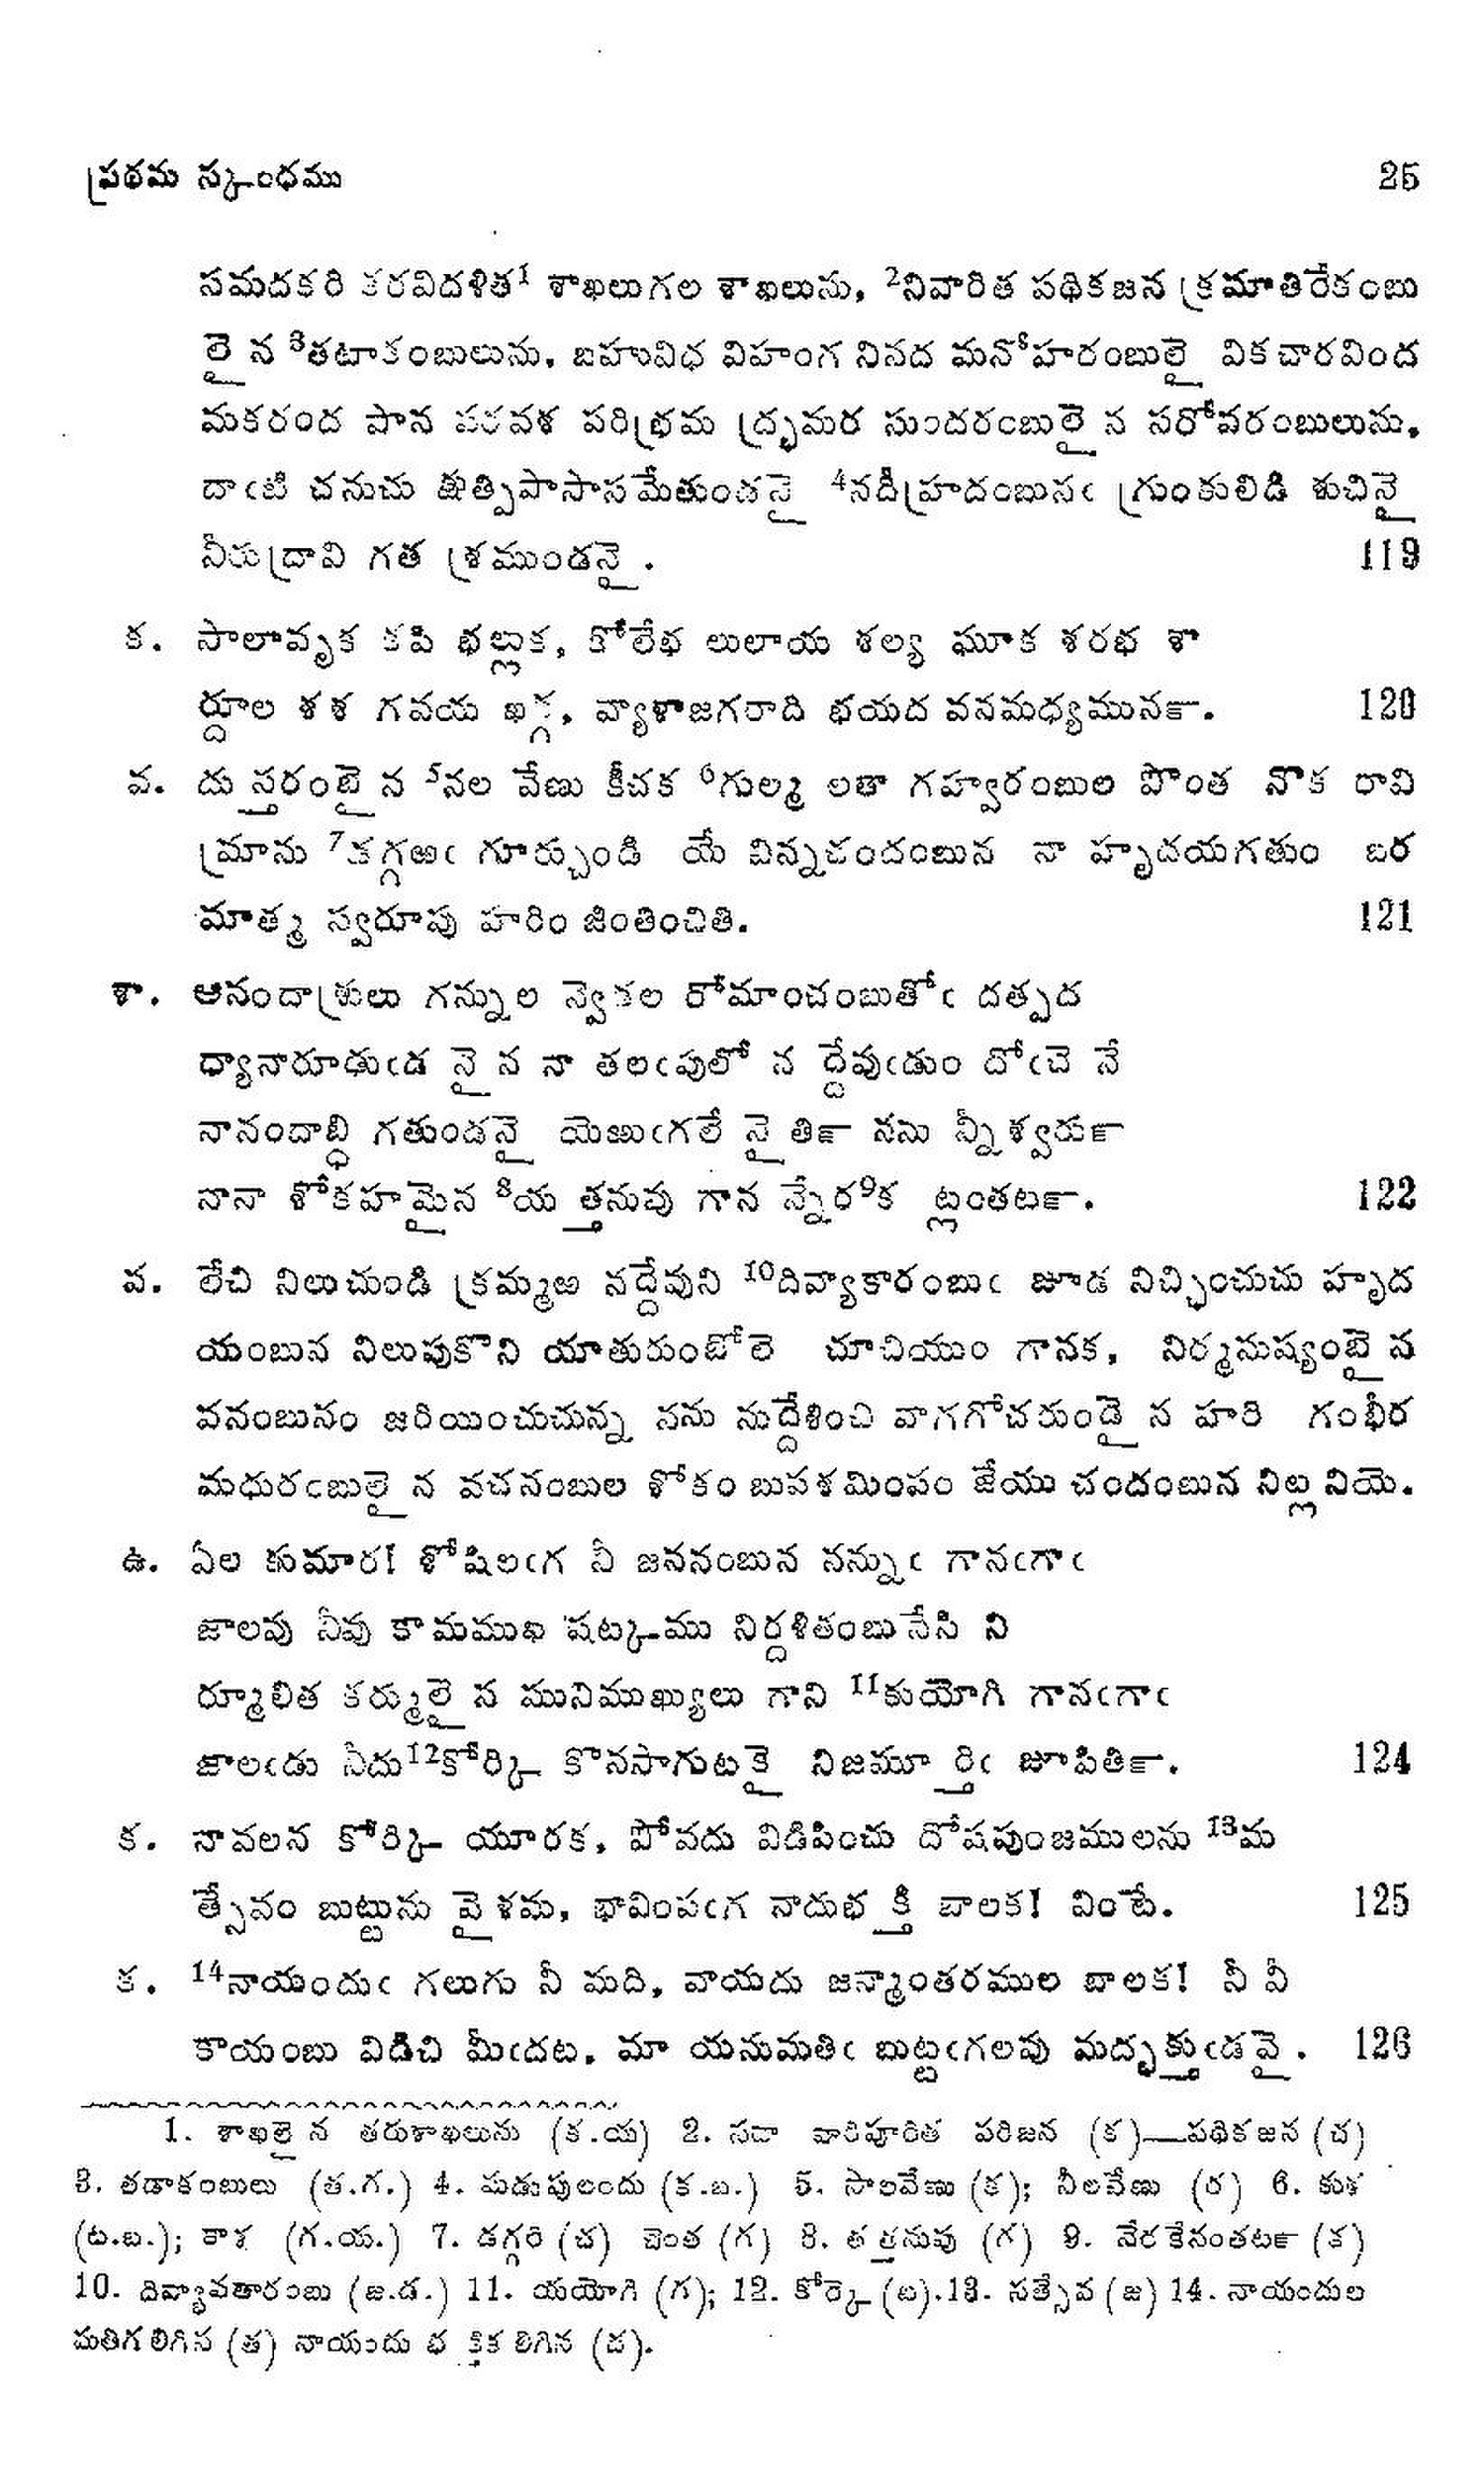25

సమద కరి కర విదళిత శాఖలు గల శాఖులును, నివారిత పథిక జన క్రమాతిరేకంబులైన తటాకంబులును, బహువిధ విహంగ నినద మనోహరంబులై వికచారవింద మకరంద పాన పరవశ పరిభ్రమద్ భ్రమర సుందరంబులైన సరోవరంబులును దాఁటి చనుచు క్షుత్‌పిపాసా సమేతుండనై నదీహ్రదంబునఁ గ్రుంకులిడి శుచినై నీరుద్రావి గతశ్రముండనై, (1-119)

కం. సాలావృక కపి భల్లుక, కోలేభ లులాయ శల్య ఘూక శరభ శ

ర్దూల శశ గవయ ఖడ్గ, వ్యాళాజగరాది భయద వన మధ్యమునన్. (1-120)

వ. దుస్తరంబైన నలవేణు కీచక గుల్మ లతా గహ్వరంబుల పొంత నొక రావిమ్రాను డగ్గఱఁ గూర్చుండి యే విన్న చందంబున నా హృదయగతుం బరమాత్మస్వరూపు హరిం జింతించితి. (1-121)

శా. ఆనందాశ్రులు కన్నులన్వెడల రోమాంచంబుతోఁ దత్పద

ధ్యానారూఢుఁడనైన నాతలఁపులో నద్దేవుఁడుం దోఁచె నే

నానందాబ్ధి గతుండనై యెఱుఁగలేనైతిన్ నను న్నీశ్వరున్

నానాశోకహమైన యత్తనువు గానన్నేఱ కట్లంతటన్. (1-122)

వ. లేచి నిలుచుండి క్రమ్మఱ నద్దేవుని దివ్యాకారంబుఁ జూడ నిచ్ఛించుచు హృదయంబున నిలుపుకొని యాతురుం బోలె చూచియుం గానక నిర్మనుష్యంబైన వనంబునం జరియించుచున్న నను నుద్దేశించి వాగగోచరుండైన హరి గంభీర మధురంబులైన వచనంబుల శోకం బుపశమింపఁజేయు చందంబున నిట్లనియె. (1-123)
 

ఉ. ఏల కుమార ! శోషిలఁగ ? నీ జననంబున నన్నుఁ గానఁగాఁ

జాలవు నీవు ; కామముఖ షట్కము నిర్దళితంబు సేసి ని

ర్మూలిత కర్ములైన మునిముఖ్యులు గాని కుయోగిఁ గానఁగాఁ

జాలఁడు ; నీదు కోర్కి కొనసాఁగుటకై నిజమూర్తిఁ జూపితిన్. (1-124)
 

కం. నా వలనఁ గోర్కి యూరక, పోవదు విడిపించు దోషపుంజములను మ
త్సేవం బుట్టును వైళమ, భావింపఁగ నాదు భక్తి బాలక ! వింటే ? (1-125)

కం. నా యందుఁ గలుగు నీ మది, పాయదు జన్మాంతరముల బాలక ! నీ వీ

కాయంబు విడిచి మీఁదట, మా యనుమతిఁ బుట్టఁగలవు మద్భక్తుఁడవై. (1-126)